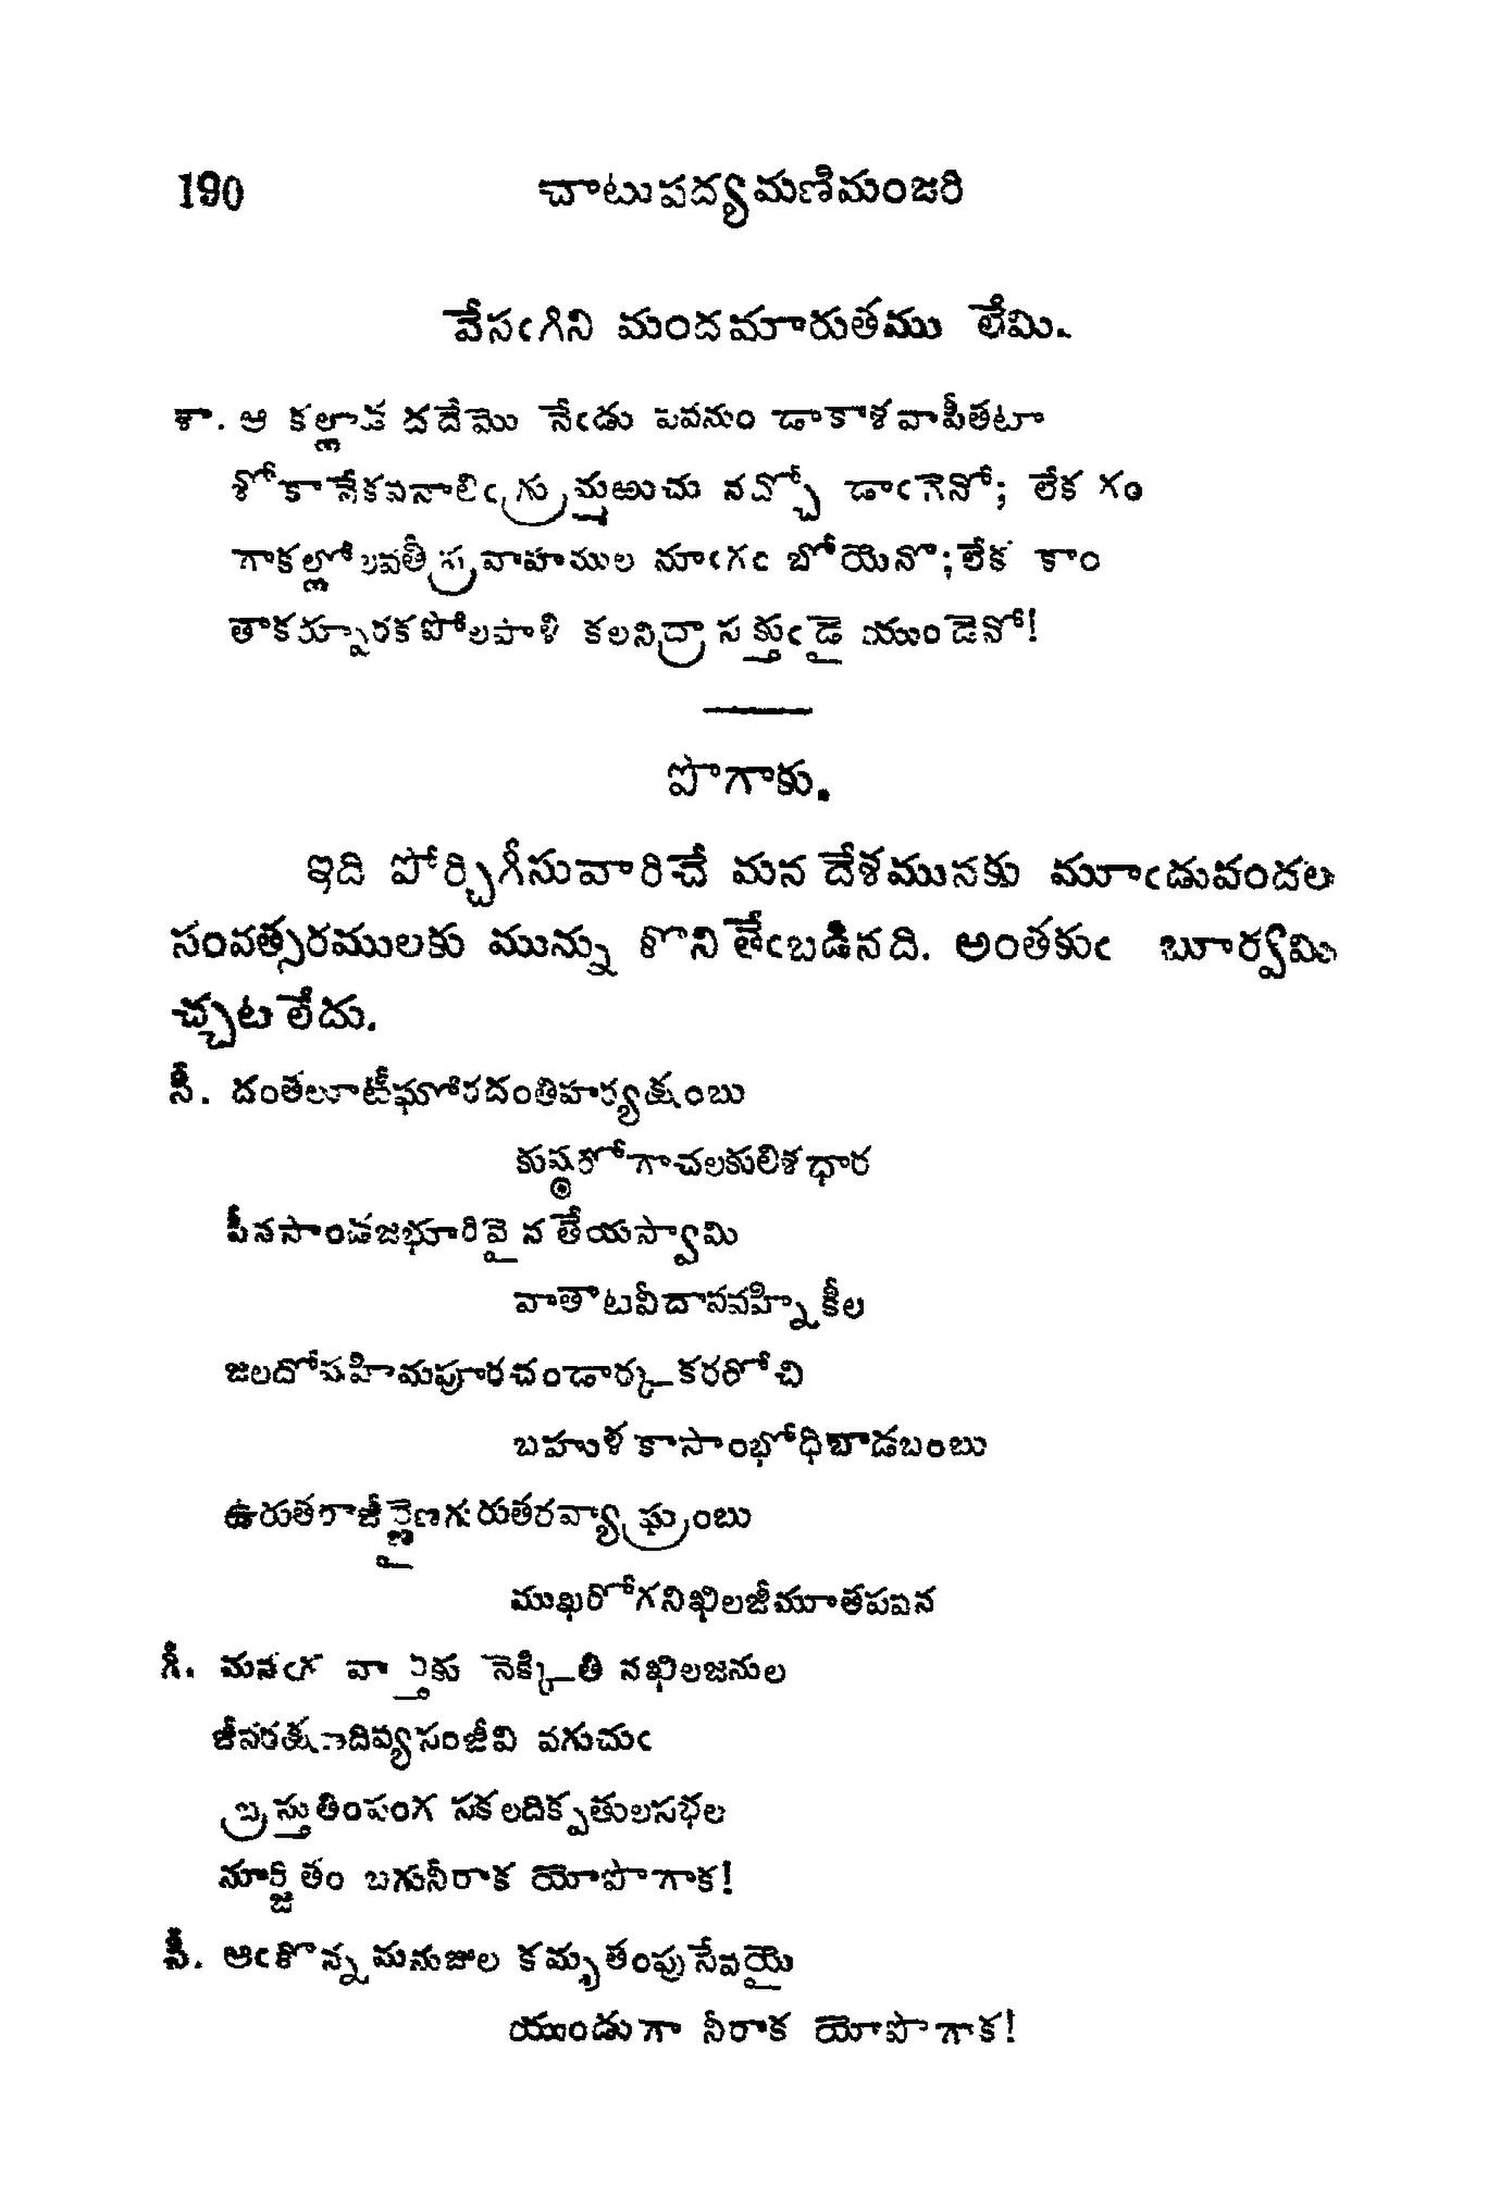శా. ఆ కల్లాడ దదేమొ నేఁడు పవనుం డాకాశవాపీతటా
 శోకానేకవనాళిఁ గ్రుమ్మఱుచు నచ్చో డాఁగెనో; లేక గం
 గాకల్లోలవతీప్రవాహముల నూఁగం బోయెనో; లేక కాం
 తాకర్పూరకపోలపాళికల నిద్రాసక్తుఁడై యుండెనో!

ఇది పోర్చుగీసువారిచే మనదేశమునకు మూఁడువందలసంవత్సరములకు మున్ను కొనితేఁబడినది. అంతకుఁ బూర్వ మిచ్చట లేదు.
సీ. దంతలూటీఘోరదంతిహర్యక్షంబు
 కుష్ఠరోగాచలకులిశధార
 పీనసాండజభూరివైనతేయస్వామి
 వాతటవీదావవహ్నికీల
 జలదోషహిమపూరచండార్కకరరోచి
 బహుళకాసాంభోధిబాడబంబు
 ఉరుతరాజీర్ణైణగురుతరవ్యాఘ్రంబు
 ముఖరోగనిఖిలజీమూతపతన
గీ. మనఁగ వార్తకు నెక్కితి నఖిలజనుల
 జీవరక్షఁదివ్యసంజీవి వగుచుఁ
 బ్రస్తుతింపంగ సకలదిక్పతులసభల
 నూర్జితం బగు నీరాక యోపొగాక!
సీ. ఆఁకొన్న మనుజుల కమృతంపుసేవయై
 యుండుగా నీరాక యోపొగాక!